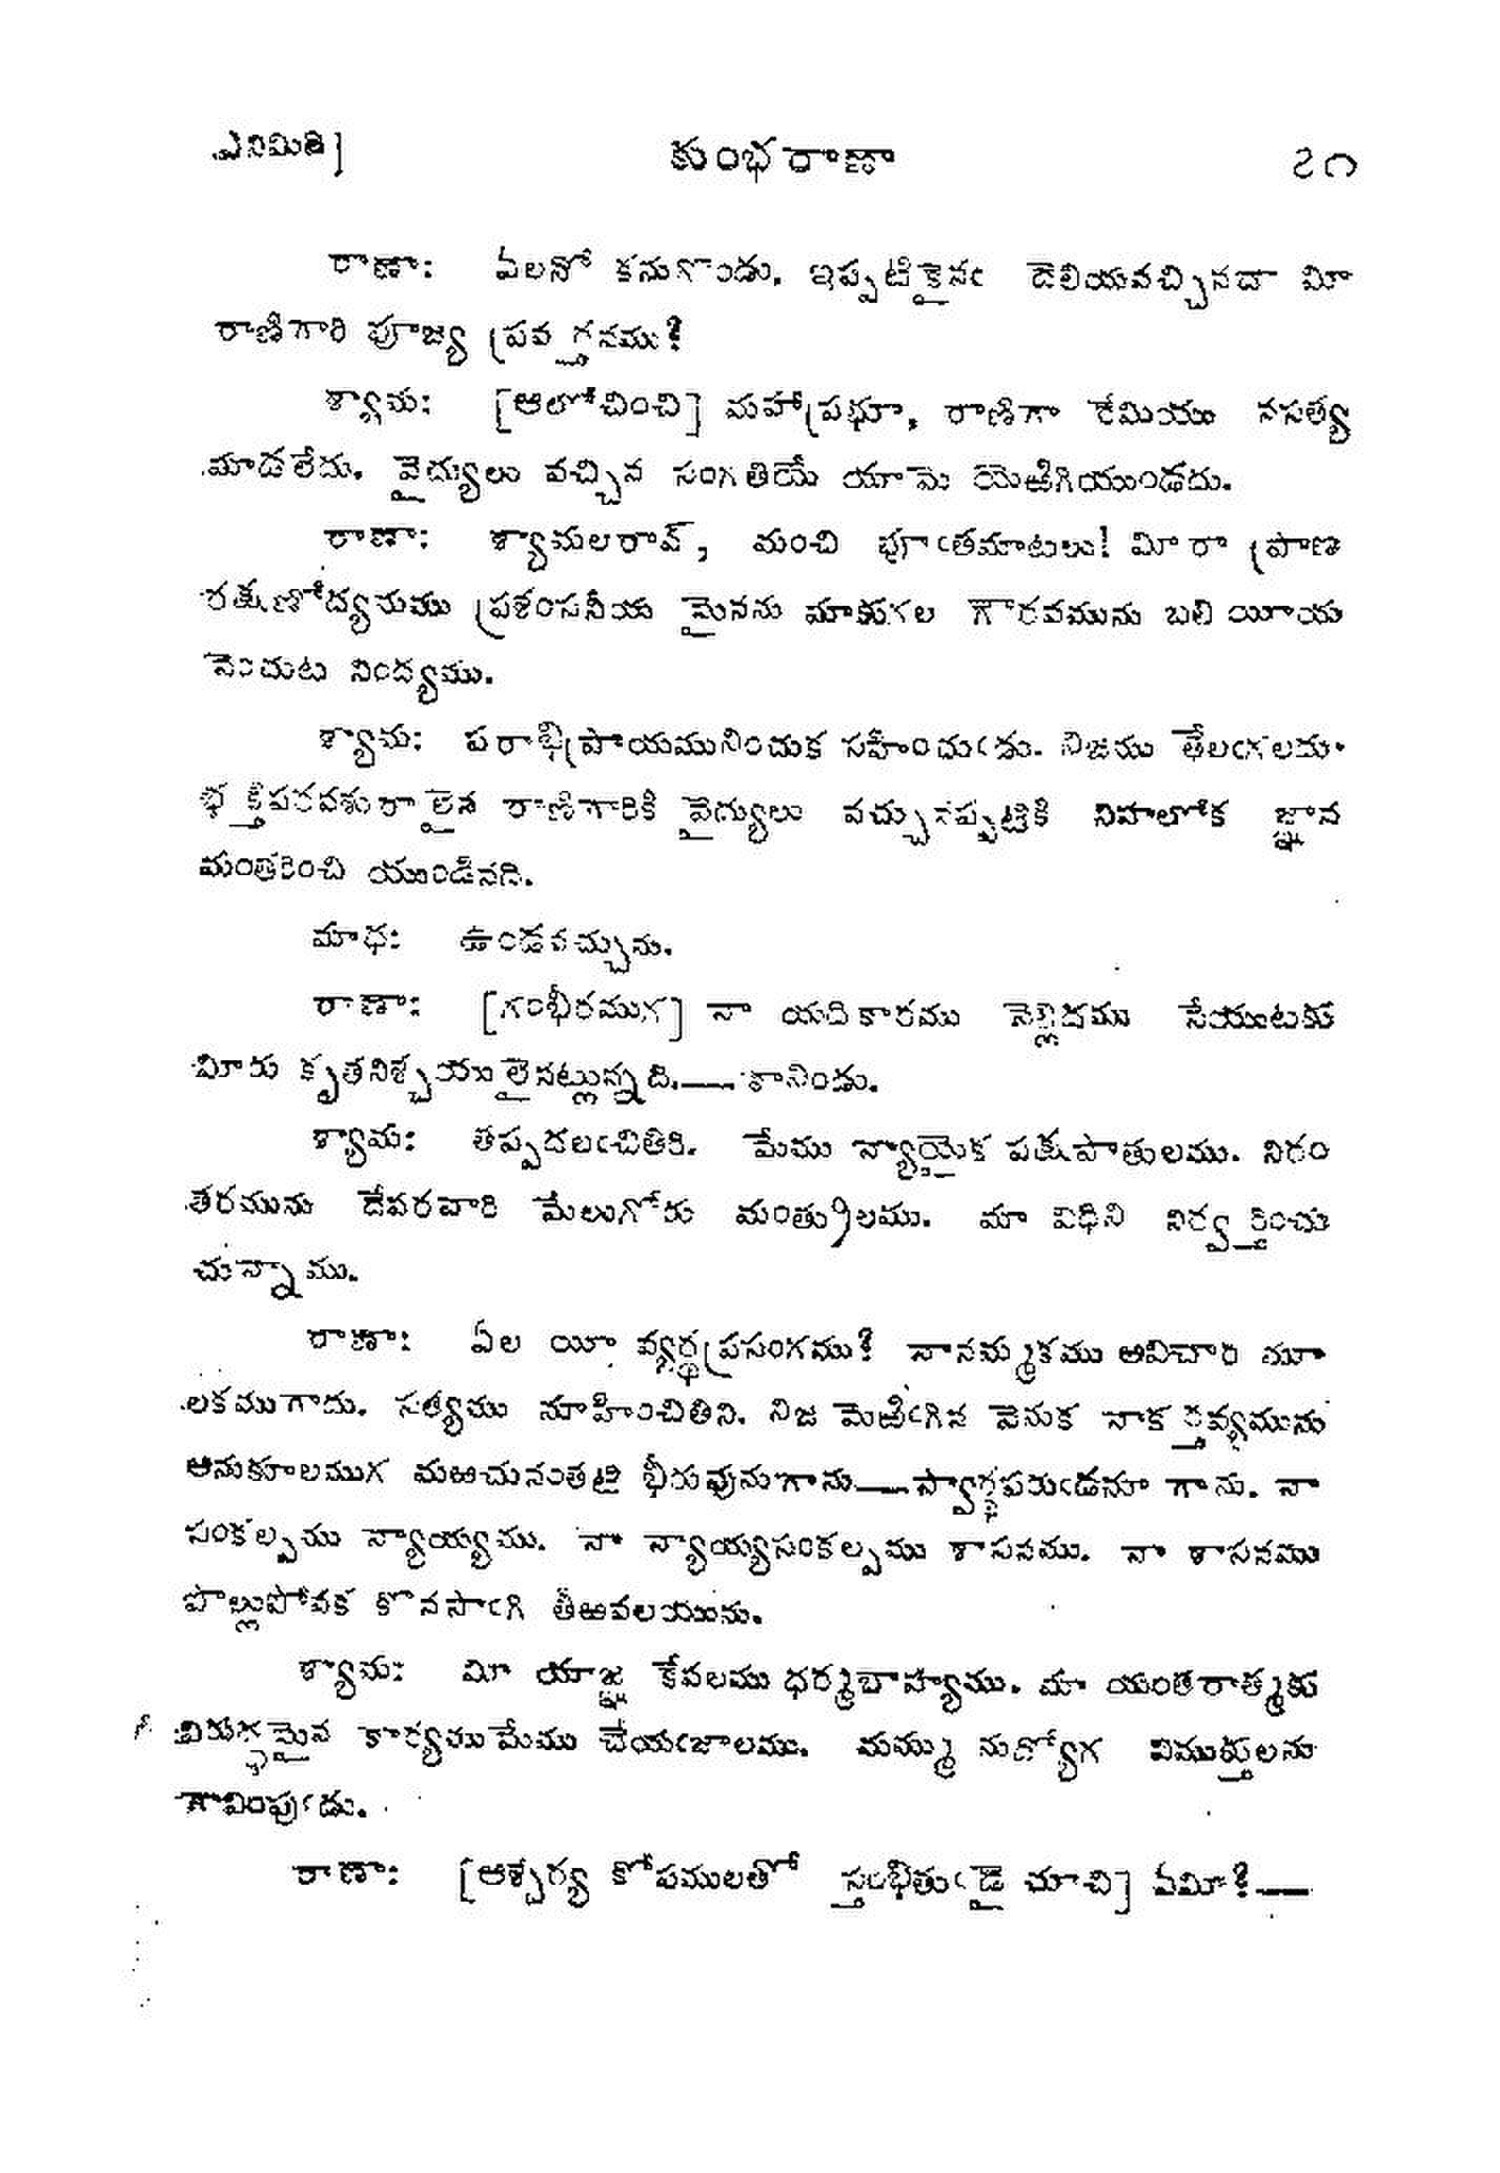రాణా : ఏలనో కనుగొండు. ఇప్పటికైనఁ దెలియవచ్చినదా మీ రాణిగారి పూజ్య ప్రవర్తనము ?

శ్యామ : [ఆలోచించి] మహాప్రభూ, రాణిగా రేమియు నసత్యమాడలేదు. వైద్యులు వచ్చిన సంగతియే యామె యెఱిగియుండదు.

రాణా : శ్యామలరావ్, మంచి వూఁతమాటలు ! మీరా ప్రాణరక్షణోద్యమము ప్రశంసనీయ మైనను మాకుగల గౌరవమును బలి యీయ నెంచుట నింద్యము.

శ్యామ : పరాభిప్రాయమునించుక సహించుఁడు. నిజము తేలఁగలదు. భక్రిపరవశురాలైన రాణిగారికి వైద్యులు వచ్చునప్పటికి నిహలోక జ్ఞానమంతరించి యుండినది.

మాధ : ఉండవచ్చును.

రాణా : [గంభీరముగ] నా యదికారము నెల్లిదము సేయుటకు మీరు కృతనిశ్చయులైనట్లున్నది. - కానిండు.

శ్యామ : తప్పదలఁచితిరి. మేము న్యాయైక పక్షపాతులము. నిరంతరమును దేవరవారి మేలుగోరు మంత్రులము. మా విధిని నిర్వర్తించుచున్నాము.

రాణా : ఏల యీ వ్యర్థప్రసంగము? నానమ్మకము అవిచార మూలకముగాదు. సత్యము నూహించితిని. నిజ మెఱిఁగిన వెనుక నాకర్తవ్యమును అనుకూలముగ మఱచునంతటి భీరువునుగాను - స్వార్థపరుఁడనూ గాను. నా సంకల్పము న్యాయ్యము. నా న్యాయ్యసంకల్పము శాసనము. నా శాసనము పొల్లుపోవక కొనసాఁగి తీఱవలయును.

శ్యామ : మీ యాజ్ఞ కేలము ధర్మబాహ్యము. మా యంతరాత్మకు విరుద్ధమైన కార్యము మేము చేయఁజాలము. మమ్ము నుద్యోగ విముక్తులను గావింపుఁడు.

రాణా : [ఆశ్చర్య కోపములతో స్తంభితుఁడై చూచి] ఏమీ ? -